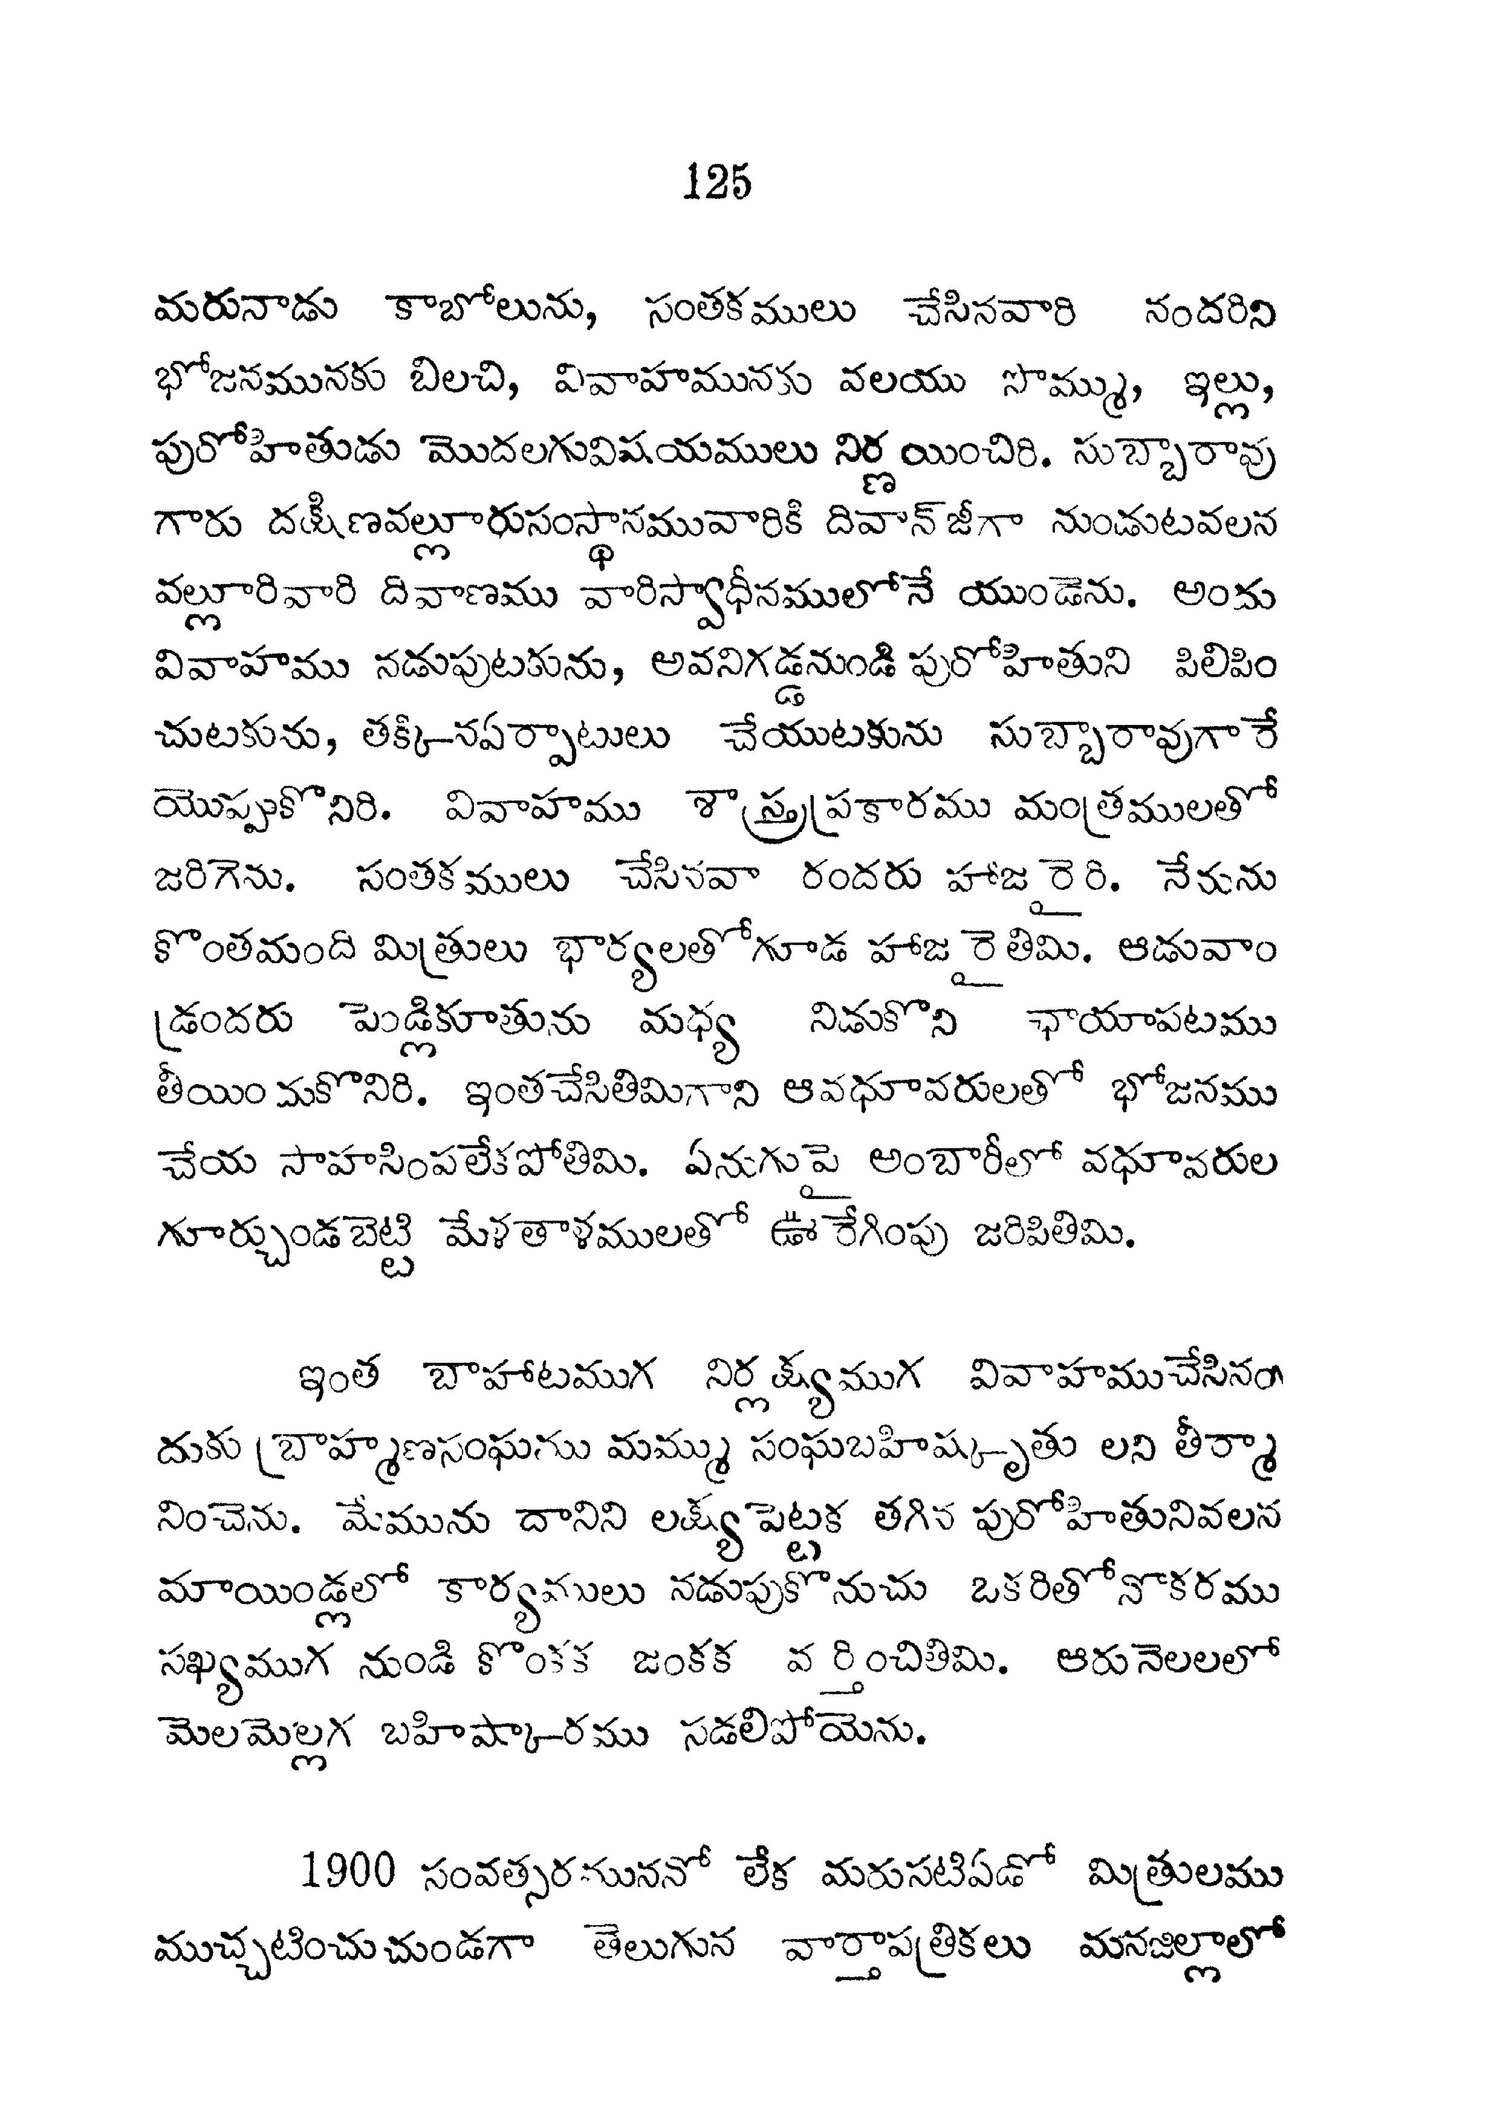మరునాడు కాబోలును, సంతకములు చేసినవారి నందరిని భోజనమునకు బిలచి, వివాహమునకు వలయు సొమ్ము, ఇల్లు, పురోహితుడు మొదలగువిషయములు నిర్ణయించిరి. సుబ్బారావుగారు దక్షిణవల్లూరుసంస్థానమువారికి దివాన్‌జీగా నుండుటవలన వల్లూరివారి దివాణము వారిస్వాధీనములోనే యుండెను. అందు వివాహము నడుపుటకును, అవనిగడ్డనుండి పురోహితుని పిలిపించుటకును, తక్కినఏర్పాటులు చేయుటకును సుబ్బారావుగారే యొప్పుకొనిరి. వివాహము శాస్త్రప్రకారము మంత్రములతో జరిగెను. సంతకములు చేసినవా రందరు హాజరైరి. నేనును కొంతమంది మిత్రులు భార్యలతోగూడ హాజరైతిమి. ఆడువాండ్రందరు పెండ్లికూతురు మధ్య నిడుకొని ఛాయాపటము తీయించుకొనిరి. ఇంతచేసితిమిగాని ఆవధూవరులతో భోజనముచేయ సాహసింపలేకపోతిమి. ఏనుగుపై అంబారీలో వధూవరుల గూర్చుండబెట్టి మేళతాళములతో ఊరేగింపు జరిపితిమి.

ఇంత బాహాటముగ నిర్లక్ష్యముగ వివాహముచేసినందుకు బ్రాహ్మణసంఘము మమ్ము సంఘబహిష్కృతు లని తీర్మానించెను. మేమును దానిని లక్ష్యపెట్టక తగిన పురోహితునివలన మాయిండ్లలో కార్యములు నడుపుకొనుచు ఒకరితోనొకరము సఖ్యముగ నుండి కొంకక జంకక వర్తించితిమి. ఆరునెలలో మెలమెల్లగ బహిష్కారము సడలిపోయెను.

1900 సంవత్సరముననో లేక మరుసటిఏడో మిత్రులము ముచ్చటించుచుండగా తెలుగున వార్తాపత్రికలు మనజిల్లాలో